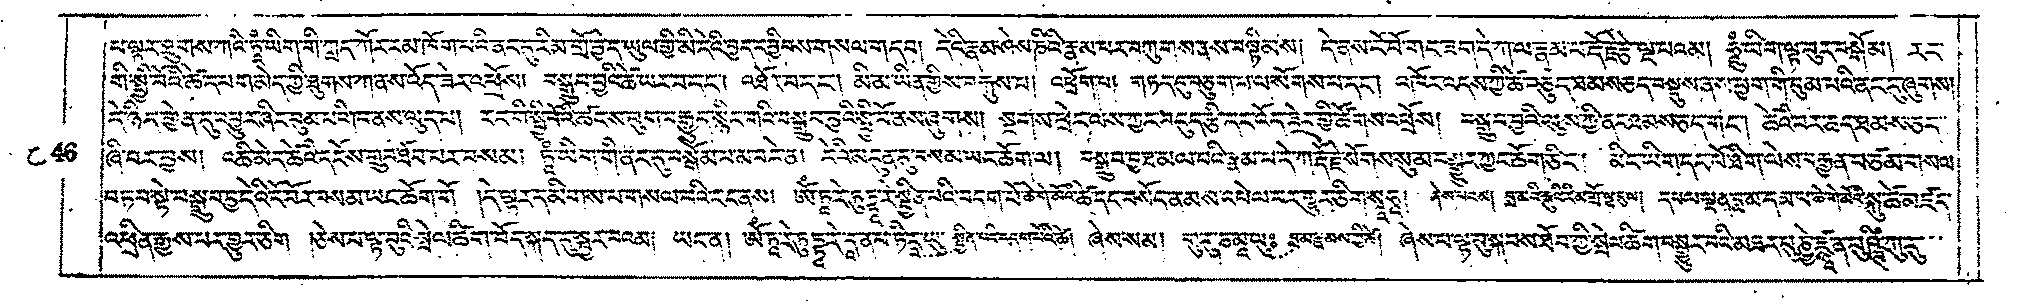པ་ལྟར་ཐུགས་ཀའི་ཏཱཾ་ཡིག་གི་ཀླད་ཀོར་རམ་ཁོག་པའི་ནང་དུ་རིམ་གྲོ་བྱེད་ཡུལ་གྱི་མི་དེའི་བྱད་དབྱིབས་གསལ་གདབ། དེའི་རྣམ་ཤེས་ཎིའི་རྣམ་པར་བཀུགས་ནས་བསྟིམས། དེ་ནས་ངོ་བོ་གང་ཟག་དེ་ཀ་ལ་རྣམ་པ་རྡོ་རྗེ་རྩེ་ལྔ་པའམ། ཧཱུཾ་ཡིག་ལྟ་བུར་བསྒོམ། རང་
གི་སྤྱི་བོའི་ཚེ་དཔག་མེད་ཀྱི་ཐུགས་ཀ་ནས་འོད་ཟེར་འཕྲོས། བསྒྲུབ་བྱའི་ཚེ་ཡར་བ་དང་། འཐོར་བ་དང་། མི་མ་ཡིན་གྱིས་བརྐུས་པ། འཕྲོག་པ། གཏད་དུ་བཅུག་པ་ལ་སོགས་པ་དང་། འཁོར་འདས་ཀྱི་ཚེ་བཅུད་ཐམས་ཅད་བསྡུས་ནས་ཕྱག་གི་བུམ་པའི་ནང་དུ་ཞུགས།
དེ་ཉིད་གྱེན་དུ་འཕྱུར་ཞིང་བུམ་པའི་ཁ་ནས་ལུད་པ། རང་གི་སྤྱི་བོའི་ཚངས་བུག་བརྒྱུད་སྙིང་གའི་བསྒྲུབ་བྱའི་སྤྱི་བོ་ནས་ཞུགས། སྔགས་ཕྲེང་ལས་ཀྱང་བདུད་རྩི་དང་འོད་ཟེར་གྱི་ཚོགས་འཕྲོས། བསྒྲུབ་བྱའི་ལུས་ཀྱི་ནང་ཐམས་ཅད་གང་། ཚེའི་བར་ཆད་ཐམས་ཅད་་་
ཞི་བར་བྱས། འཆི་མེད་ཚེའི་དངོས་གྲུབ་ཐོབ་པར་བསམ། ཏཱཾ་ཡིག་གི་ནང་དུ་བསྒོམ་པ་མ་བདེ་ན། དེའི་མདུན་དུ་བསམ་མ་ཡང་ཆོག་ལ། བསྒྲུབ་བྱ་ཐ་མལ་པའི་རྣམ་པ་དེ་ཀ་རྡོ་རྗེ་སོགས་སུ་མ་བསྒྱུར་ཀྱང་ཆོག་ཅིང་། མིང་ཡིག་དང་པོ་ཐིག་ལེས་བརྒྱན་པ་ཙམ་གསལ་
བཏབ་སྟེ་བསྒྲུབ་བྱ་དེའི་ངོ་བོར་བསམ་ཡང་ཆོག་གོ །དེ་ལྟར་དམིགས་པ་གསལ་བའི་ངང་ནས། ཨོཾ་ཏཱ་རེ་ཏུཏྟཱ་རེ་སྦྱིན་པའི་བདག་པོ་ཆེ་གེ་མོའི་ཚེ་དང་བསོད་ནམས་འཕེལ་བར་གྱུར་ཅིག་སྭཱཧཱ། ཞེས་པའམ། བླ་མའི་སྐུའི་རིམ་གྲོ་ལྟ་བུ་ལ།  དཔལ་ལྡན་བླ་མ་དམ་པ་ཆེ་གེ་མོའི་སྐུ་ཚེ་མཛད་
འཕྲིན་རྒྱས་པར་གྱུར་ཅིག །ཅེས་པ་ལྟ་བུའི་སྤེལ་ཚིག་བོད་སྐད་དུ་སྦྱར་བའམ། ཡང་ན། ཨོཾ་ཏཱ་རེ་ཏུཏྟཱ་རེ་དཱ་ན་པ་ཏི་རཱ་ཡུ་སྦྱིན་པའི་བདག་པོའི་ཚེ།  ཞེས་སམ། གུ་རུ་ཎ་མཱ་ཡུཿ བླ་མ་རྣམས་ཀྱི་ཚེ།  ཞེས་པ་ལྟ་བུ་སྐབས་ཐོབ་ཀྱི་སྤེལ་ཚིག་བསྒྱུར་བའི་མཐར་པུཎྱེ་ཛྙཱ་ན་པུཥྚིཾ་ཀུ་རུ་་་